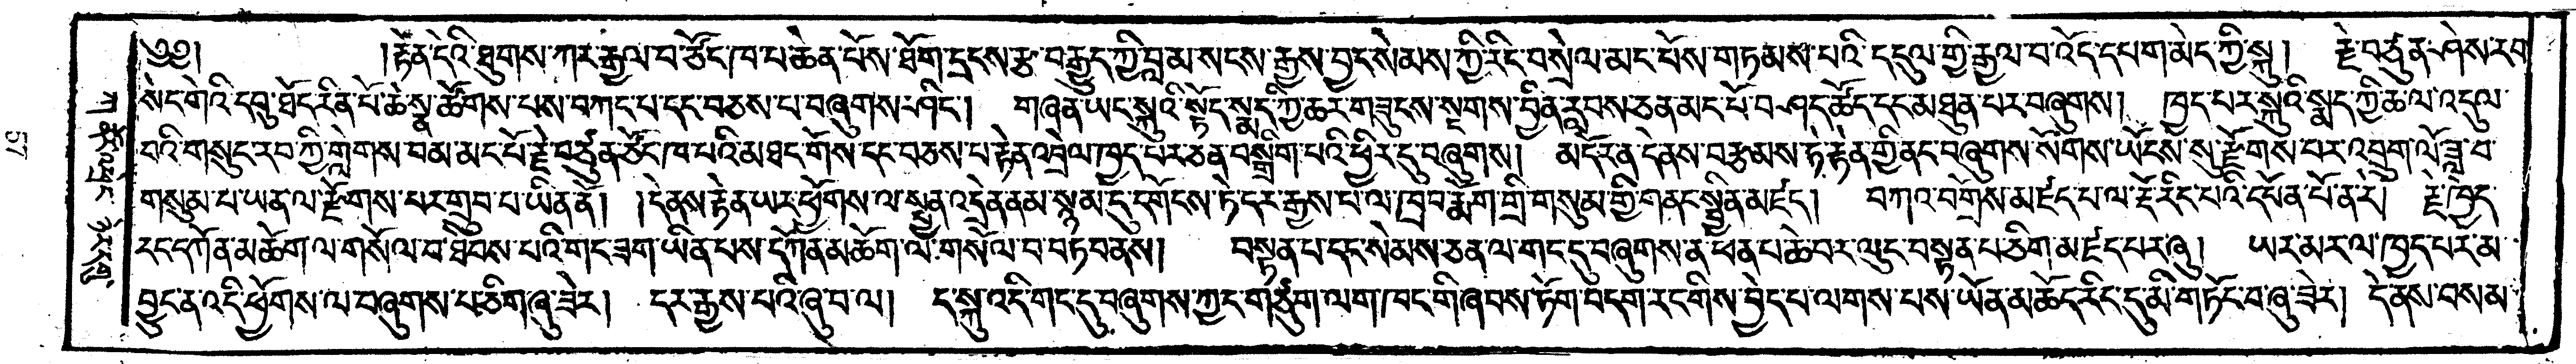༄༅། །རྟེན་དེའི་ཐུགས་ཀར་རྒྱལ་བ་ཙོང་ཁ་པ་ཆེན་པོས་ཐོག་དྲངས་རྩ་བརྒྱུད་ཀྱི་བླ་མ་སངས་རྒྱས་བྱང་སེམས་ཀྱི་རིང་བསྲེལ་མང་པོས་གཏམས་པའི་དངུལ་གྱི་རྒྱལ་བ་འོད་དཔག་མེད་ཀྱི་སྐུ། རྗེ་བཙུན་ཤེས་རབ་
སེང་གེའི་དབུ་ཐོད་རིན་པོ་ཆེ་སྣ་ཚོགས་པས་བཀད་པ་དང་བཅས་པ་བཞུགས་ཤིང་། གཞན་ཡང་སྐུའི་སྟོད་སྨད་ཀྱི་ཆར་གཟུངས་སྔགས་བྱིན་རླབས་ཅན་མང་པོ་བཤད་ཚོད་དང་མཐུན་པར་བཞུགས། ཁྱད་པར་སྐུའི་སྨད་ཀྱི་ཆ་ལ་འདུལ་
བའི་གསུང་རབ་ཀྱི་གླེགས་བམ་མང་པོ་རྗེ་བཙུན་ཙོང་ཁ་པའི་མཐང་གོས་དང་བཅས་པ་རྟེན་འབྲེལ་ཁྱད་པར་ཅན་བསྒྲིག་པའི་ཕྱིར་དུ་བཞུགས། མདོར་ན་དེ་ནས་བརྩམས་ཏེ་རྟེན་གྱི་ནང་བཞུགས་སོགས་ཡོངས་སུ་རྫོགས་པར་འབྲུག་ལོ་ཟླ་བ་
གསུམ་པ་ཡན་ལ་རྫོགས་པར་གྲུབ་པ་ཡིན་ནོ། །དེ་ནས་རྟེན་ཡར་ཕྱོགས་ལ་སྤྱན་འདྲེན་ནམ་སྙམ་དུ་དགོངས་ཏེ་དར་རྒྱས་པ་ལ་ཁྲབ་རྨོག་གྲི་གསུམ་གྱི་གནང་སྦྱིན་མཛད། བཀའ་བགྲོས་མཛད་པ་ལ་རྡོ་རིང་པའི་དཔོན་པོ་ན་རེ། རྗེ་ཁྱད་
རང་དཀོན་མཆོག་ལ་གསོལ་བ་ཐེབས་པའི་གང་ཟག་ཡིན་པས་དཀོན་མཆོག་ལ་གསོལ་བ་བཏབ་ནས། བསྟན་པ་དང་སེམས་ཅན་ལ་གང་དུ་བཞུགས་ན་ཕན་པ་ཆེ་བར་ལུང་བསྟན་པ་ཅིག་མཛད་པར་ཞུ། ཡར་མར་ལ་ཁྱད་པར་མ་
བྱུང་ན་འདི་ཕྱོགས་ལ་བཞུགས་པ་ཅིག་ཞུ་ཟེར། དར་རྒྱས་པའི་ཞུ་བ་ལ། ད་སྐུ་འདི་གང་དུ་བཞུགས་ཀྱང་གཙུག་ལག་ཁང་གི་ཞབས་ཏོག་བདག་རང་གིས་བྱེད་པ་ལགས་པས་ཡོན་མཆོད་རིང་དུ་མི་གཏོང་བ་ཞུ་ཟེར། དེ་ནས་བསམ་